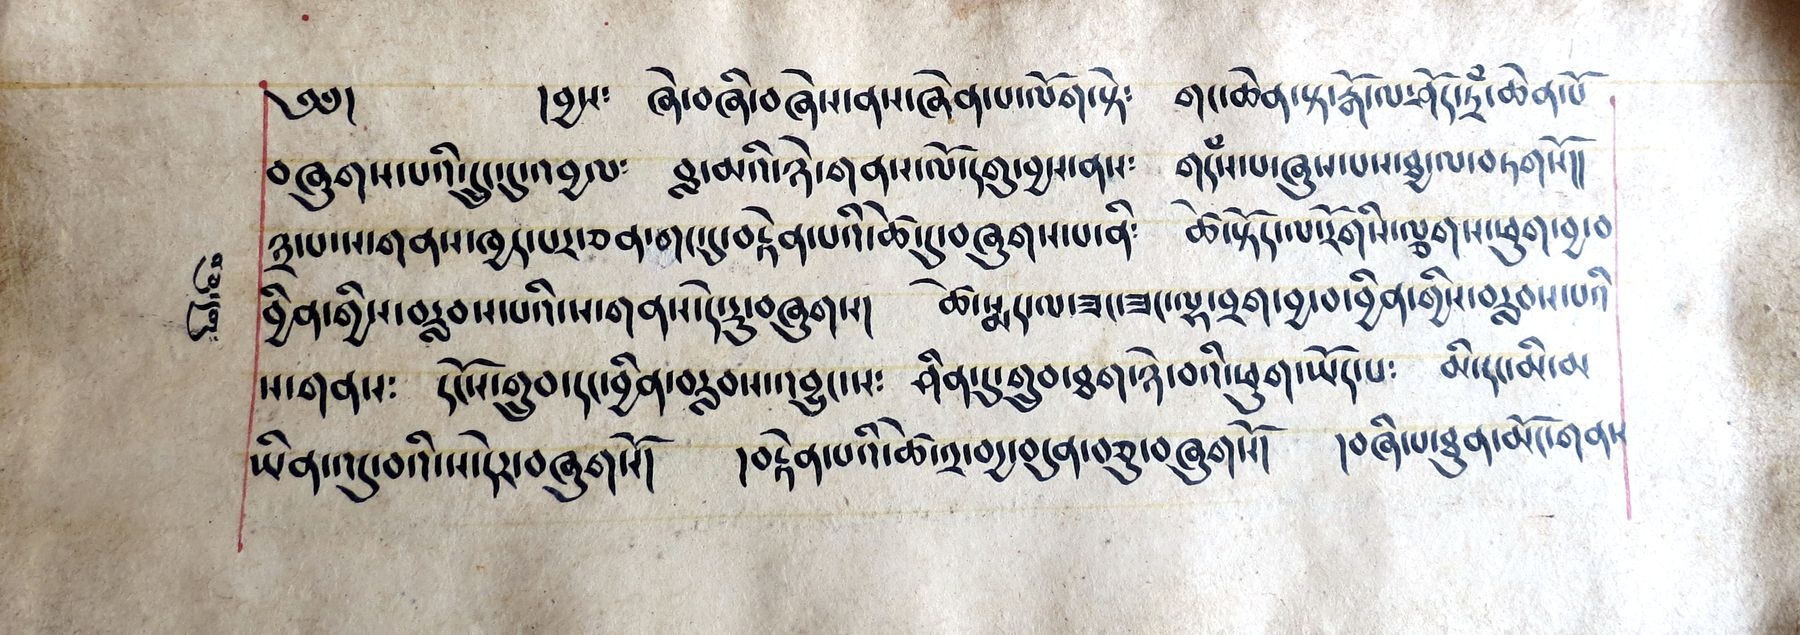༄༅། །བྱས། ཞེ་བཞི་བཞེས་ནས་ཞེན་པ་ལོག་སྟེ། གངས་ཆེན་རྟ་སྒོ་ལ་ཤོད་ཏྲམ་ཆེན་པོ་
བཞུགས་པའི་དྲུང་དུ་མཇལ། བླ་མའི་ཉེ་གནས་ལོ་དགུ་བྱས་ནས། གདམས་པ་ཞུས་པས་ཐུགས་ལ་བཏགས་སོ། །
གསུམ་པ་ས་གནས་ཁྱད་པར་ཅན་གང་དུ་བརྟེན་པའི་ཚེ་དུ་བཞུགས་པ་ནི། ཚེ་སྟོད་ལ་རོགིས་ལྕག་ཕུག་བྱ་བ་
བྱིན་གྱིས་བརླབས་པའི་ས་གནས་དེ་རུ་བཞུགས། ཚེ་སྨད་ལ་ཟང་ཟང་ལྷ་བྲག་བྱ་བ། བྱིན་གྱིས་བརླབས་པའི་
ས་གནས་དངོས་གྲུབ་དང་བྱིན་རླབས་འབྱུང་ས། ཤིན་ཏུ་གྲུབ་ཐག་ཉེ་བའི་ཕུག་ཡོད་པ། མི་དང་མི་མ་
ཡིན་འདུ་བའི་ས་དེར་བཞུགས་སོ། །བརྟེན་པའི་ཚེ་ཉིས་བརྒྱ་བདུན་ཅུ་བཞུགས་སོ། །བཞི་པ་ཐུན་མོང་གནས་